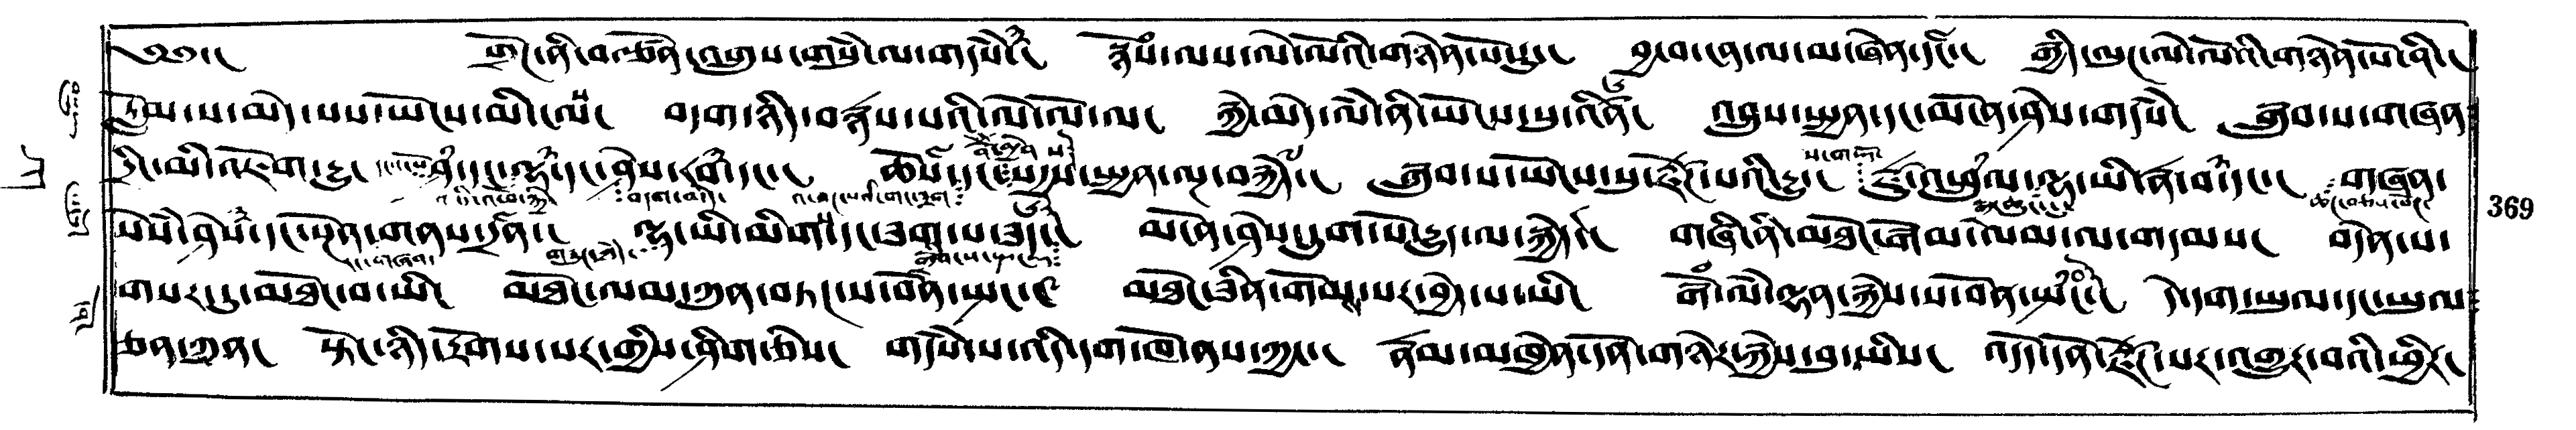གྲོགས་ནི་བརྩོན་འགྲུས་གསུམ་ལ་གདམས། །སྙོམ་ལས་ལེ་ལོའི་གཉེན་པོ་རུ། །བྱ་བ་ངན་ལ་མ་ཞེན་དང་། །སྒྱིད་ལུག་ལེ་ལོའི་གཉེན་པོ་ནི། །
རློམ་པ་མེད་པས་ཡོངས་མི་ངལ། །བདག་ཉིད་བརྙས་པའི་ལེ་ལོ་ལ། །སྐྱེ་མེད་ལམ་ནི་ཡོངས་སུ་འཛིན། །འབྲས་བུ་སྤྱན་དང་མངོན་ཤེས་གདམས། །སྒྲུབ་པ་གཞན་
དྲིང་མི་འཇོག་རྒྱུ། དང་པོ་ཤ་དང་འཆི་འཕོ་སྐྱེ་ལྷ་དང་བདག་མེད་ཤེས་རབ་དང་། །ཆོས་འཕགས་པའི་གང་ཟག་དང་རྣམ་མཁྱེན་སངས་རྒྱས་སྤྱན་ལྔ་བསྐྱེད། །སྒྲུབ་པ་ཡོངས་སུ་རྫོགས་པའི་རྒྱུ།། ས་གཡོ་རྫུ་འཕྲུལ་སྒྲ་ཆུང་ངུ་ལྷ་ཡི་རྣ་བ་དང་།། ཆགས་བཅས་སོགས་གཞན་
སེམས་ཤེས་དང་སྔོན་དང་གཞན་གནས་དྲན།། གཟུགས་ཐམས་ཅད་ལྷ་ཡི་མིག་དང་ཟག་པ་སྒྲིབ་པ་སྤངས་ཟད།། མངོན་ཤེས་དྲུག་པོ་རྒྱུད་ལ་སྐྱེ། །གཞི་ནི་མཐོང་སྒོམ་ལམ་ལ་གདམས། །བདེན་པ་
གསར་དུ་མཐོང་བ་ཡི། །མཐོང་ལམ་ཀུན་བཏགས་ས་བོན་སྤང་། །མཐོང་ཟིན་གོམས་པར་བྱེད་པ་ཡིས། །སྒོམ་ལམ་ལྷན་སྐྱེས་ས་བོན་སྤང་། །དེ་དག་ཡུལ་དང་ཡུལ་
ཅན་ཀུན། །སྟོང་ཉིད་རྟོགས་པར་གྱིས་ཤིག་ཅེས། །གདམས་པ་འདི་དག་ཁོ་ནས་ཀྱང་། །རྣམ་མཁྱེན་དོན་གཉེར་སྐྱེས་བུ་ཡིས། །འདོད་དོན་རྫོགས་པར་འགྱུར་བའི་ཕྱིར། །